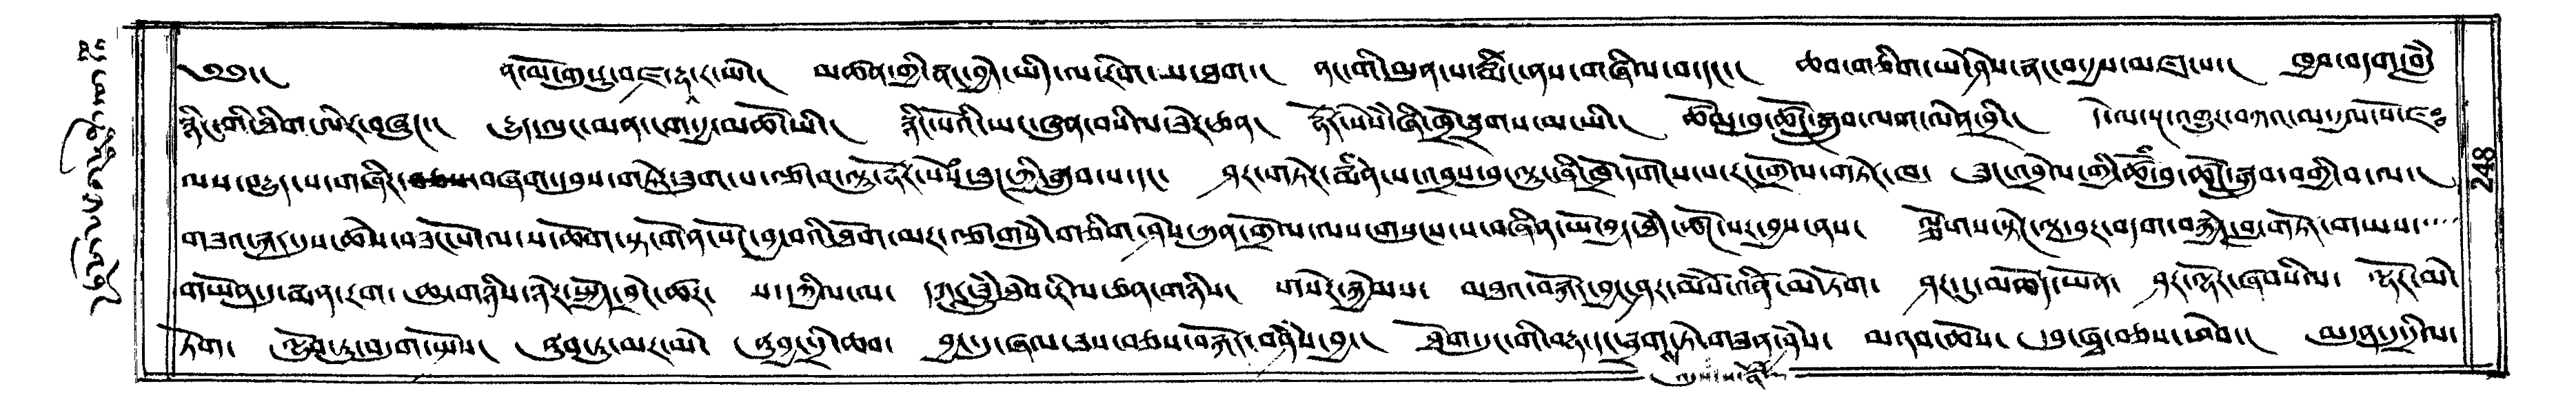༄༅། ན་མོ་གུ་རུ་བཛྲ་དྷཱ་ར་ཡེ། །མཚན་གྱི་སྣང་བྱེད་ཡིད་ལ་རེག་མ་ཐག །ནང་གི་མུན་པ་རྨང་ནས་གཞིལ་བ་དང་། །ཆབས་གཅིག་ཡེ་ཤེས་སྣང་བ་རྒྱས་མཛད་པ། ཁྱབ་བདག་བླ་མ་
སྙིང་གི་ཐིག་ལེར་བཞུགས། །རྒྱུད་ལུང་མན་ངག་རྒྱ་མཚོ་ཡི། སྙིང་པོའི་ཡང་ཞུན་བསིལ་ཟེར་ཅན། །རྡོར་སེམས་ཞི་ཁྲོ་སྦྲགས་མ་ཡི། །ཚོམ་བུ་ཚོགས་སྒྲུབ་ལག་ལེན་བྲི། །དེ་ལ་སྔ་འགྱུར་བཀའ་མ་རྒྱལ་པོ་ཛཿ
ལས་བརྒྱུད་པ་གཞིར་བཞག་དབུས་གཏེར་ཟུག་པ་རྩ་བ་ལྟ་བུ་རྡོར་སེམས་ཐུགས་ཀྱི་སྒྲུབ་པ་དང་། ཤེར་གཏེར་སྨིན་པ་འབྲས་བུ་ལྟ་བུ་ཞི་ཁྲོ་དགོངས་པ་རང་གྲོལ་གཏེར་ཁ་ཟུང་འབྲེལ་གྱི་ཚོམ་བུ་ཚོགས་སྒྲུབ་བགྱི་བ་ལ། 
གཟའ་སྐར་དུས་ཚེས་བཟང་པོ་ལ་ས་ཆོག་སྟ་གོན་སོགས་བྱ་བའི་ཐོག་མར་རྩ་གསུམ་གཅིག་ཤེས་ཀུན་གྲོལ་ལས་གསུངས་པ་བཞིན་ཡོ་བྱད་ཐམས་ཅད་ཚོགས་པར་བྱས་ནས་ལྕོགས་སྟེགས་ལྟ་བུར་བདག་སྐྱེད་བླ་གཏོར་གཡས་
གཡོན་དུ་སྨན་རཀ ཆུ་གཉིས་ཉེར་སྤྱོད་ཕྲེང་ཚར། ས་དཀྱིལ་ལ་དཀར་ཟླུམ་མཐེབ་རིལ་ཅན་གཉིས། གསེར་སྐྱེམས། མཐའ་སྐོར་བྱང་ཤར་མཚམས་འཛིན་མེ་ཏོག ཤར་དུ་མཆོད་ཡོན། ཤར་ལྷོར་ཞབས་སིལ། ལྷོར་མེ་
ཏོག ལྷོ་ནུབ་ཏུ་བདུག་སྤོས། ནུབ་ཏུ་མར་མེ། ནུབ་བྱང་དུ་དྲི་ཆབ། བྱང་དུ་ཞལ་ཟས་བཅས་བསྐོར་བཤམ་བྱ། ཐོག་དུང་གི་བརྡ་དང་སྦྲགས་ཏེ་གཟན་ཤམ། མནབ་ཆོས། དབུ་ཞྭ་བཅས་ཕེབས། མདུན་དུ་དྲིལ་